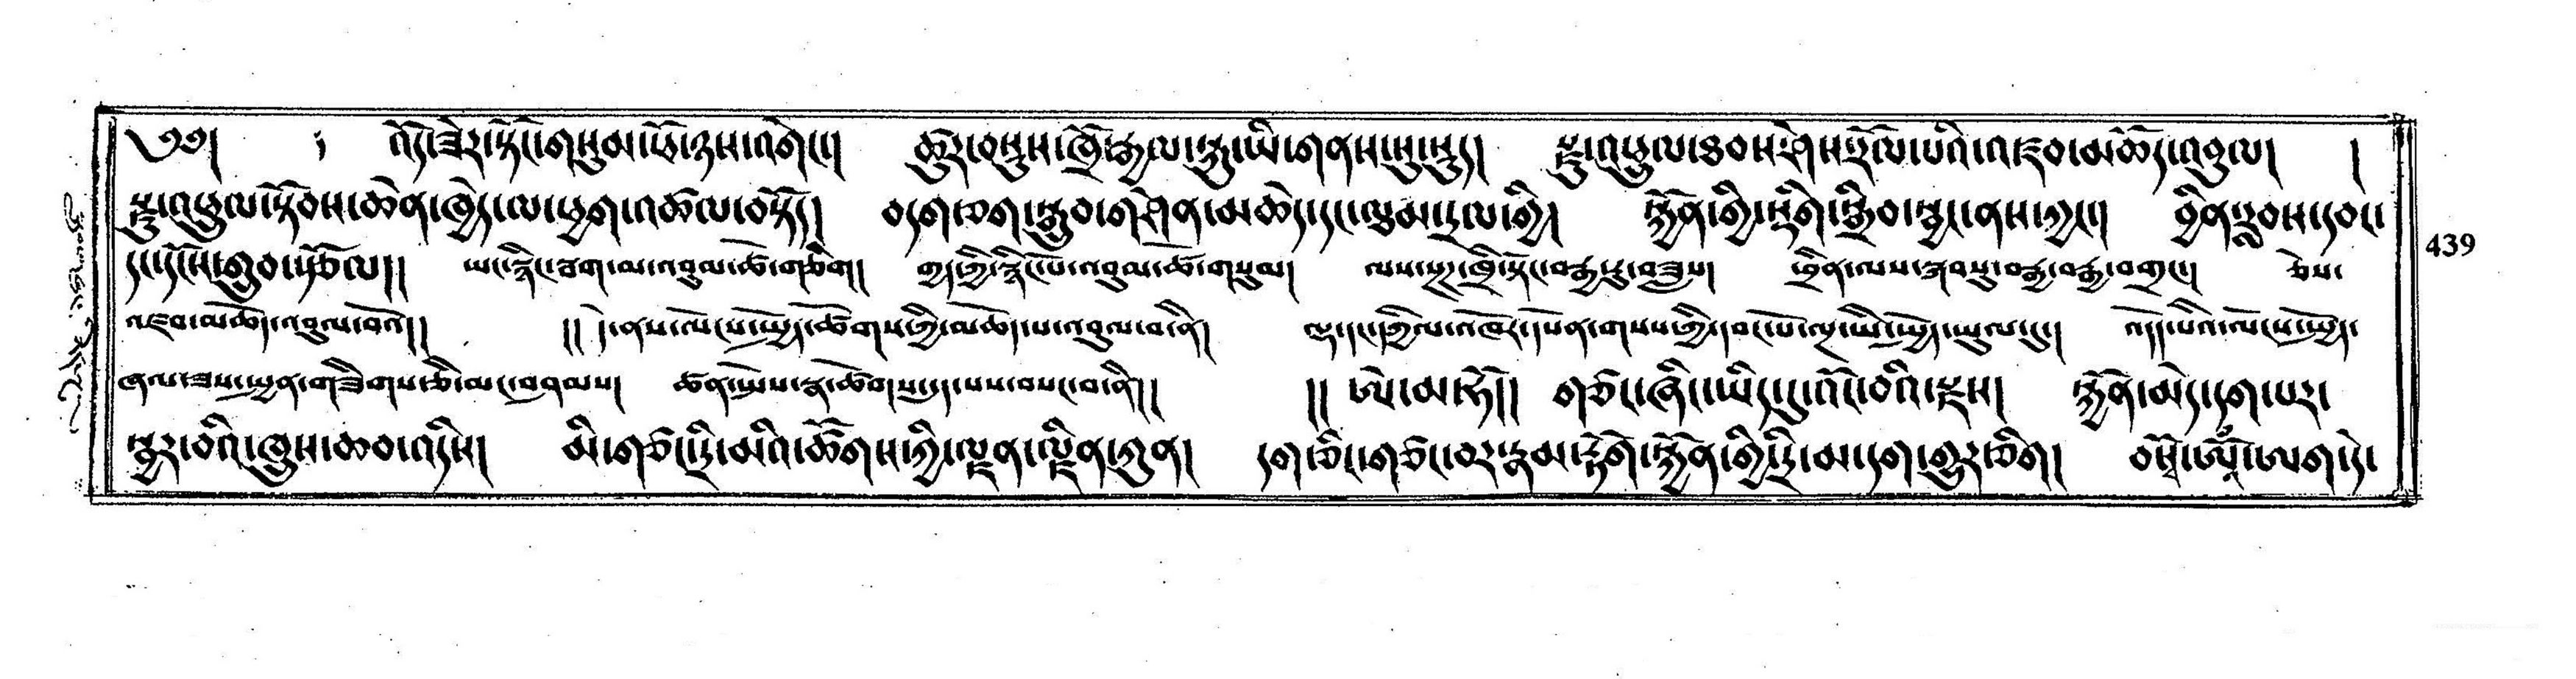འོད་ཟེར་སྟོང་གསུམ་ཕོ་ཉས་འགེང་། ཚུར་བསྡུས་ཁྲོ་རྒྱལ་སྐུ་ཡི་གནས་སུ་སྡུད། རྫུ་འཕྲུལ་ཐབས་ཤེས་རོལ་པའི་འཛབ་མཆོད་འབུལ། 
རྫུ་འཕྲུལ་སྟོབས་ཆེན་ཁྱེད་ལ་ཕྱག་འཚལ་བསྟོད། བདག་ཅག་སྒྲུབ་གཤེན་མཆེད་དང་ལྕམ་དྲལ་གྱི། སྐྱོན་གྱི་སྡིག་སྒྲིབ་སྦྱང་ནས་ཀྱང་། བྱིན་རླབས་དབང་
དང་དངོས་གྲུབ་སྩོལ།། ཡང་སྙིང་སྦྲག་མ་འབུམ་ཚོ་གཅིག གྱད་ཀྱི་སྙིང་པོ་འབུམ་ཚོ་གསུམ། ལས་སྔགས་ཁྲི་སྟོང་བརྒྱ་རུ་བཟླས། ཕྲིན་ལས་སྐབས་སུ་བརྒྱ་བརྒྱ་བགྲང་། ཅེས་
འཛབ་མཆོད་འབུལ་བའོ།། །།དེ་ནས་ལོངས་སྤྱོད་ཚོགས་ཀྱི་མཆོད་པ་འབུལ་བ་ནི། ལྷ་དང་དཀྱིལ་འཁོར་དཔོན་གསས་ཀྱི་དབང་པོ་ལྔ་ཡི་སྤྱོད་ཡུལ་དུ། འདོད་པའི་ལོངས་སྤྱོད་
ཞལ་ཟས་སྤྱན་གཟིགས་ཅི་མང་བཤམས། ཚན་སྤོས་སྣ་ཚོགས་དུད་པས་བསང་བ་ནི།། །།ཨེ་མ་ཧོ།། གཙང་ཞིང་ཡིད་དུ་འོང་བའི་རྫས།། སྐྱོན་མེད་དག་པར་
སྦྱར་བའི་ཁྲུས་ཆབ་འདིས། མི་གཙང་དྲི་མའི་ཚོགས་ཀྱི་ལྗན་ལྗིན་ཀུན། དག་ཅིང་གཙང་བར་རྣམ་རྟོག་སྐྱོན་གྱི་དྲི་མ་དག་གྱུར་ཅིག བསྭོ་ཨཱོཾ་ཨག་དེ་